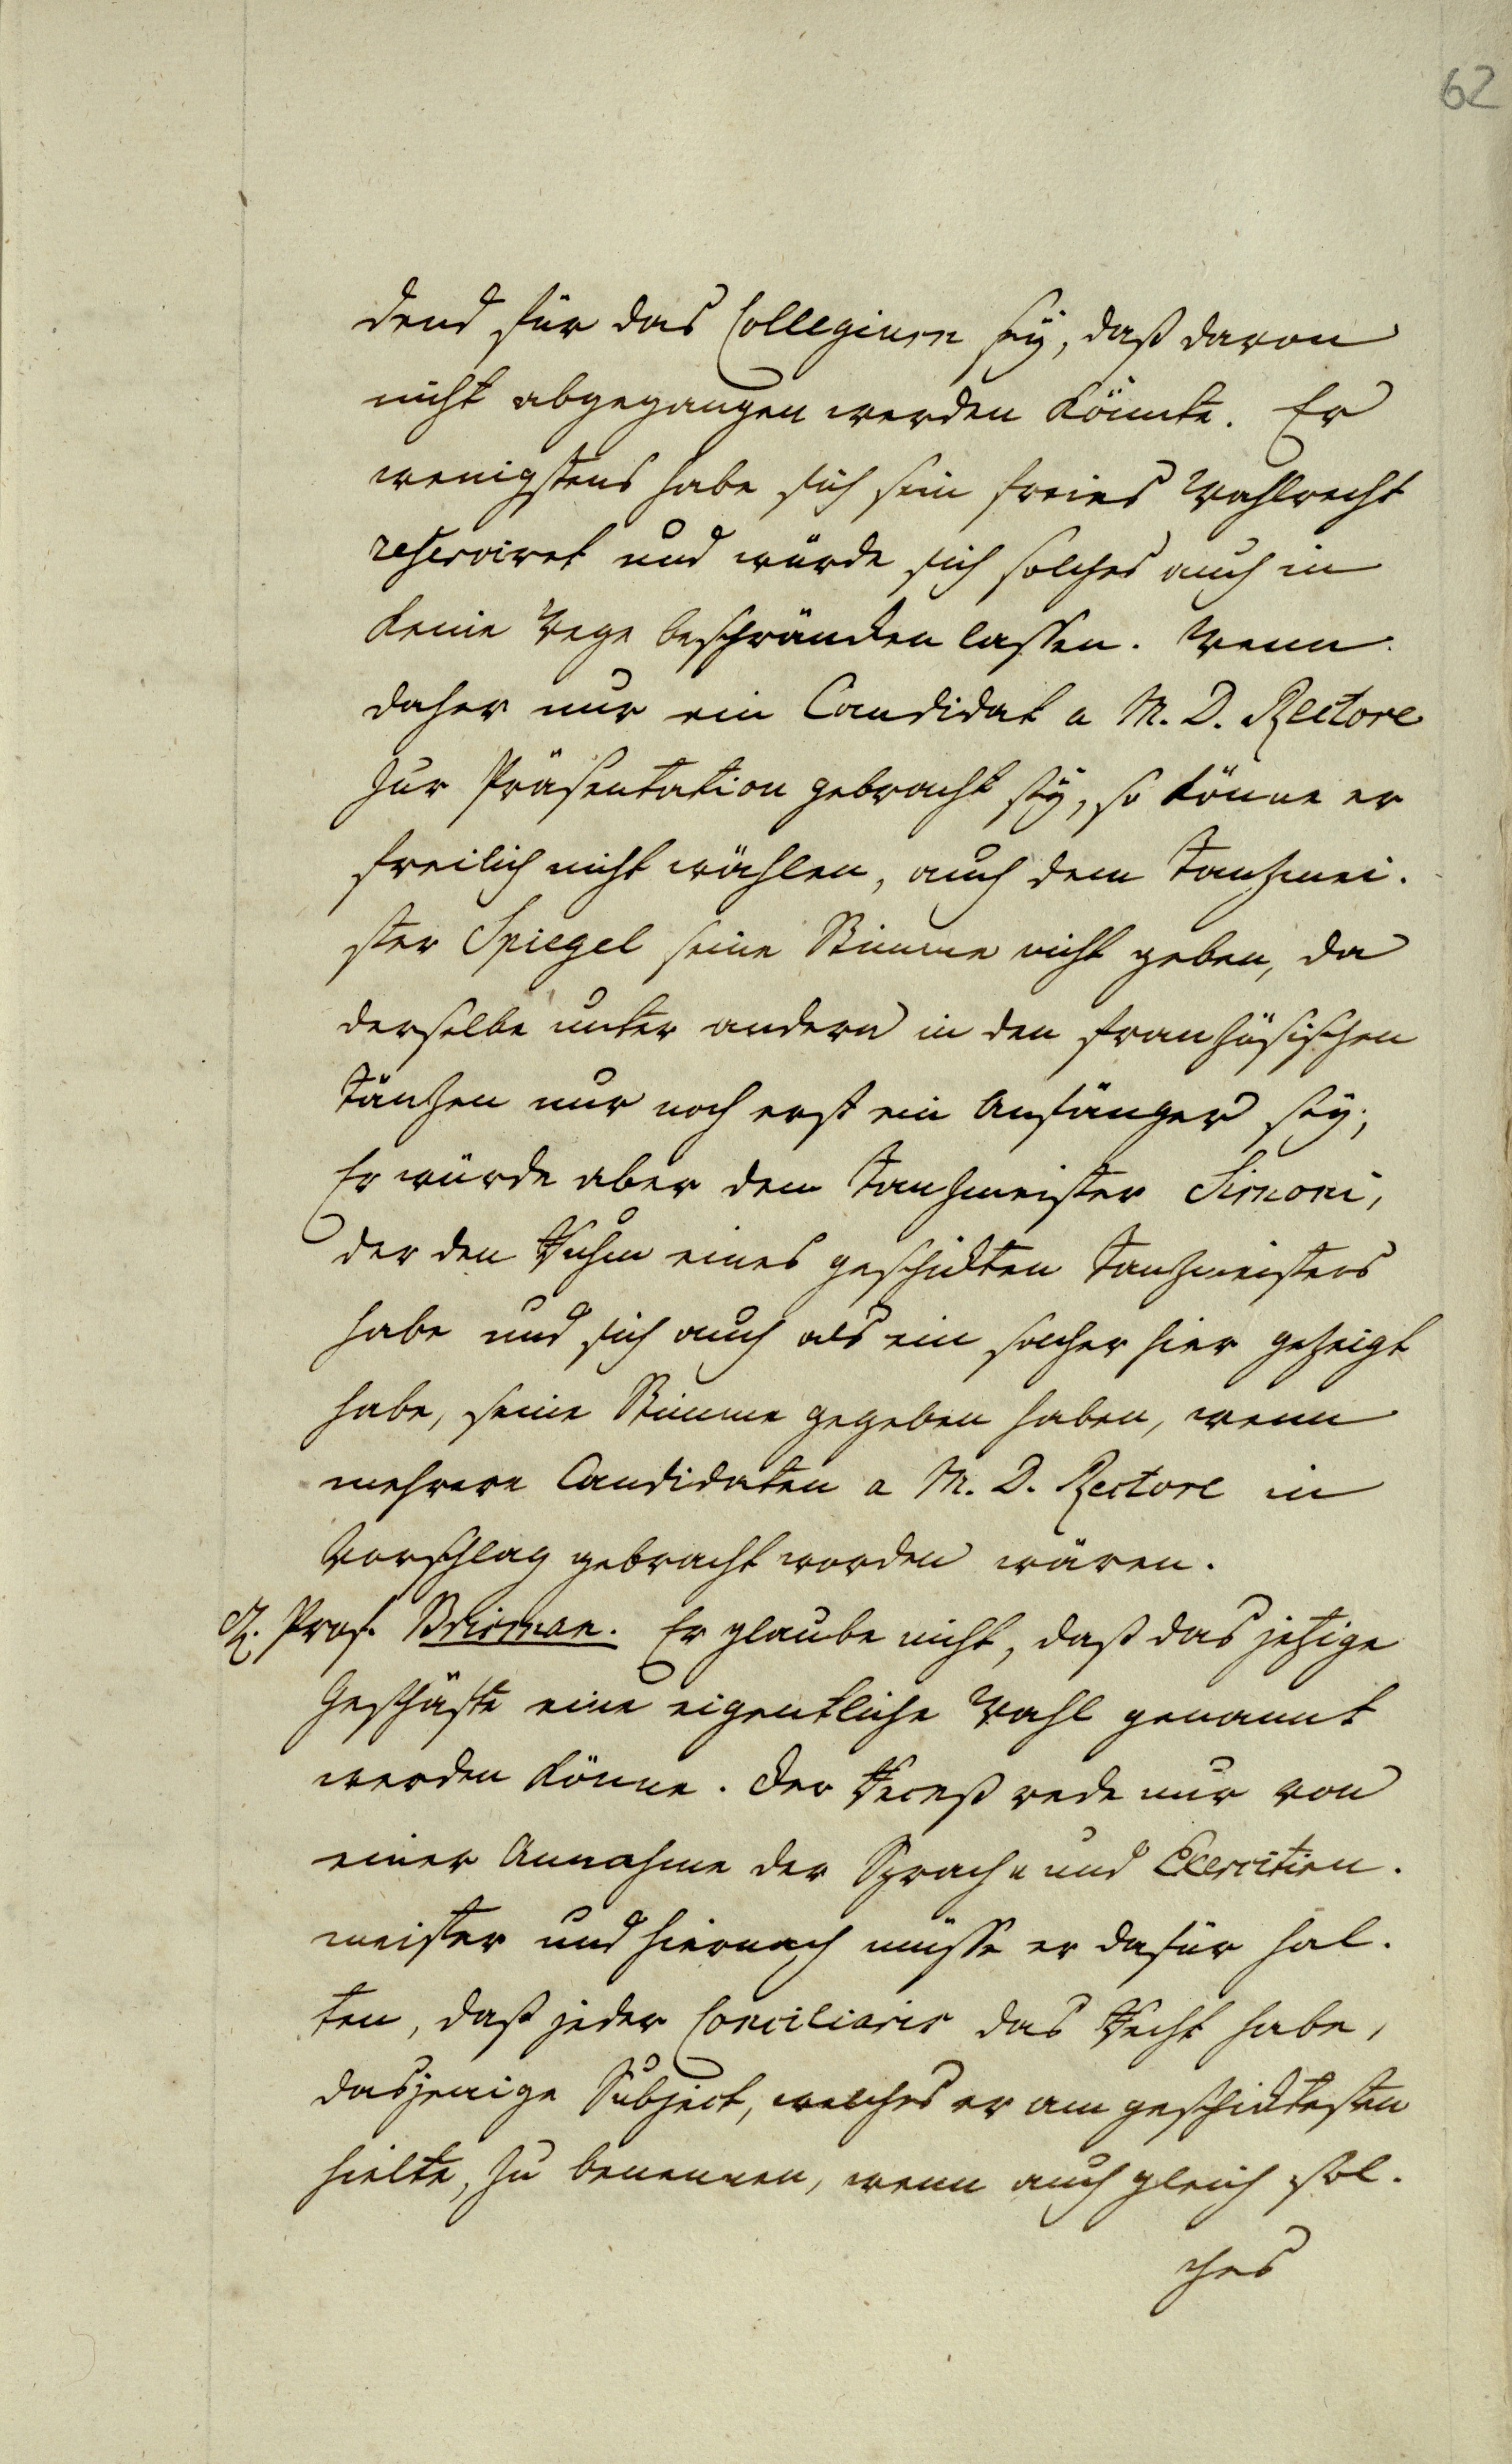dend für das Collegium seÿ, daß davon
nicht abgegangen werden könnte. Er
wenigstens habe sich sein freies Wahlrecht
reserviret und würde sich solches auch in
keine Wege beschräncken lassen. Wenn
daher nur ein Candidat a M. D. Rectore
zur Präsentation gebracht seÿ, so könne er
freilich nicht wählen, auch dem Tanzmei¬
ster Spiegel seine Stimme nicht geben, da
derselbe unter andern in den französischen
Tänzen nur noch erst ein Anfänger seÿ;
Er würde aber dem Tanzmeister Simoni,
der den Ruhm eines geschickten Tanzmeisters
habe und sich auch als ein solcher hier gezeigt
habe, seine Stimme gegeben haben, wenn
mehrere Candidaten a M. D. Rectore in
Vorschlag gebracht worden wären.
dh. Prof. Brisman. Er glaube nicht, daß das jetzige
Geschäfte eine eigentliche Wahl genannt
werden könne. Der Receß rede nur von
einer Annahme der Sprachen und Exercitien¬
meister und hiernach müsse er dafür hal¬
ten, daß jeder Conciliaris das Recht habe,
dasjenige Subject, welches er am geschicktesten
hielte, zu benennen, wenn auch gleich sol¬
ches